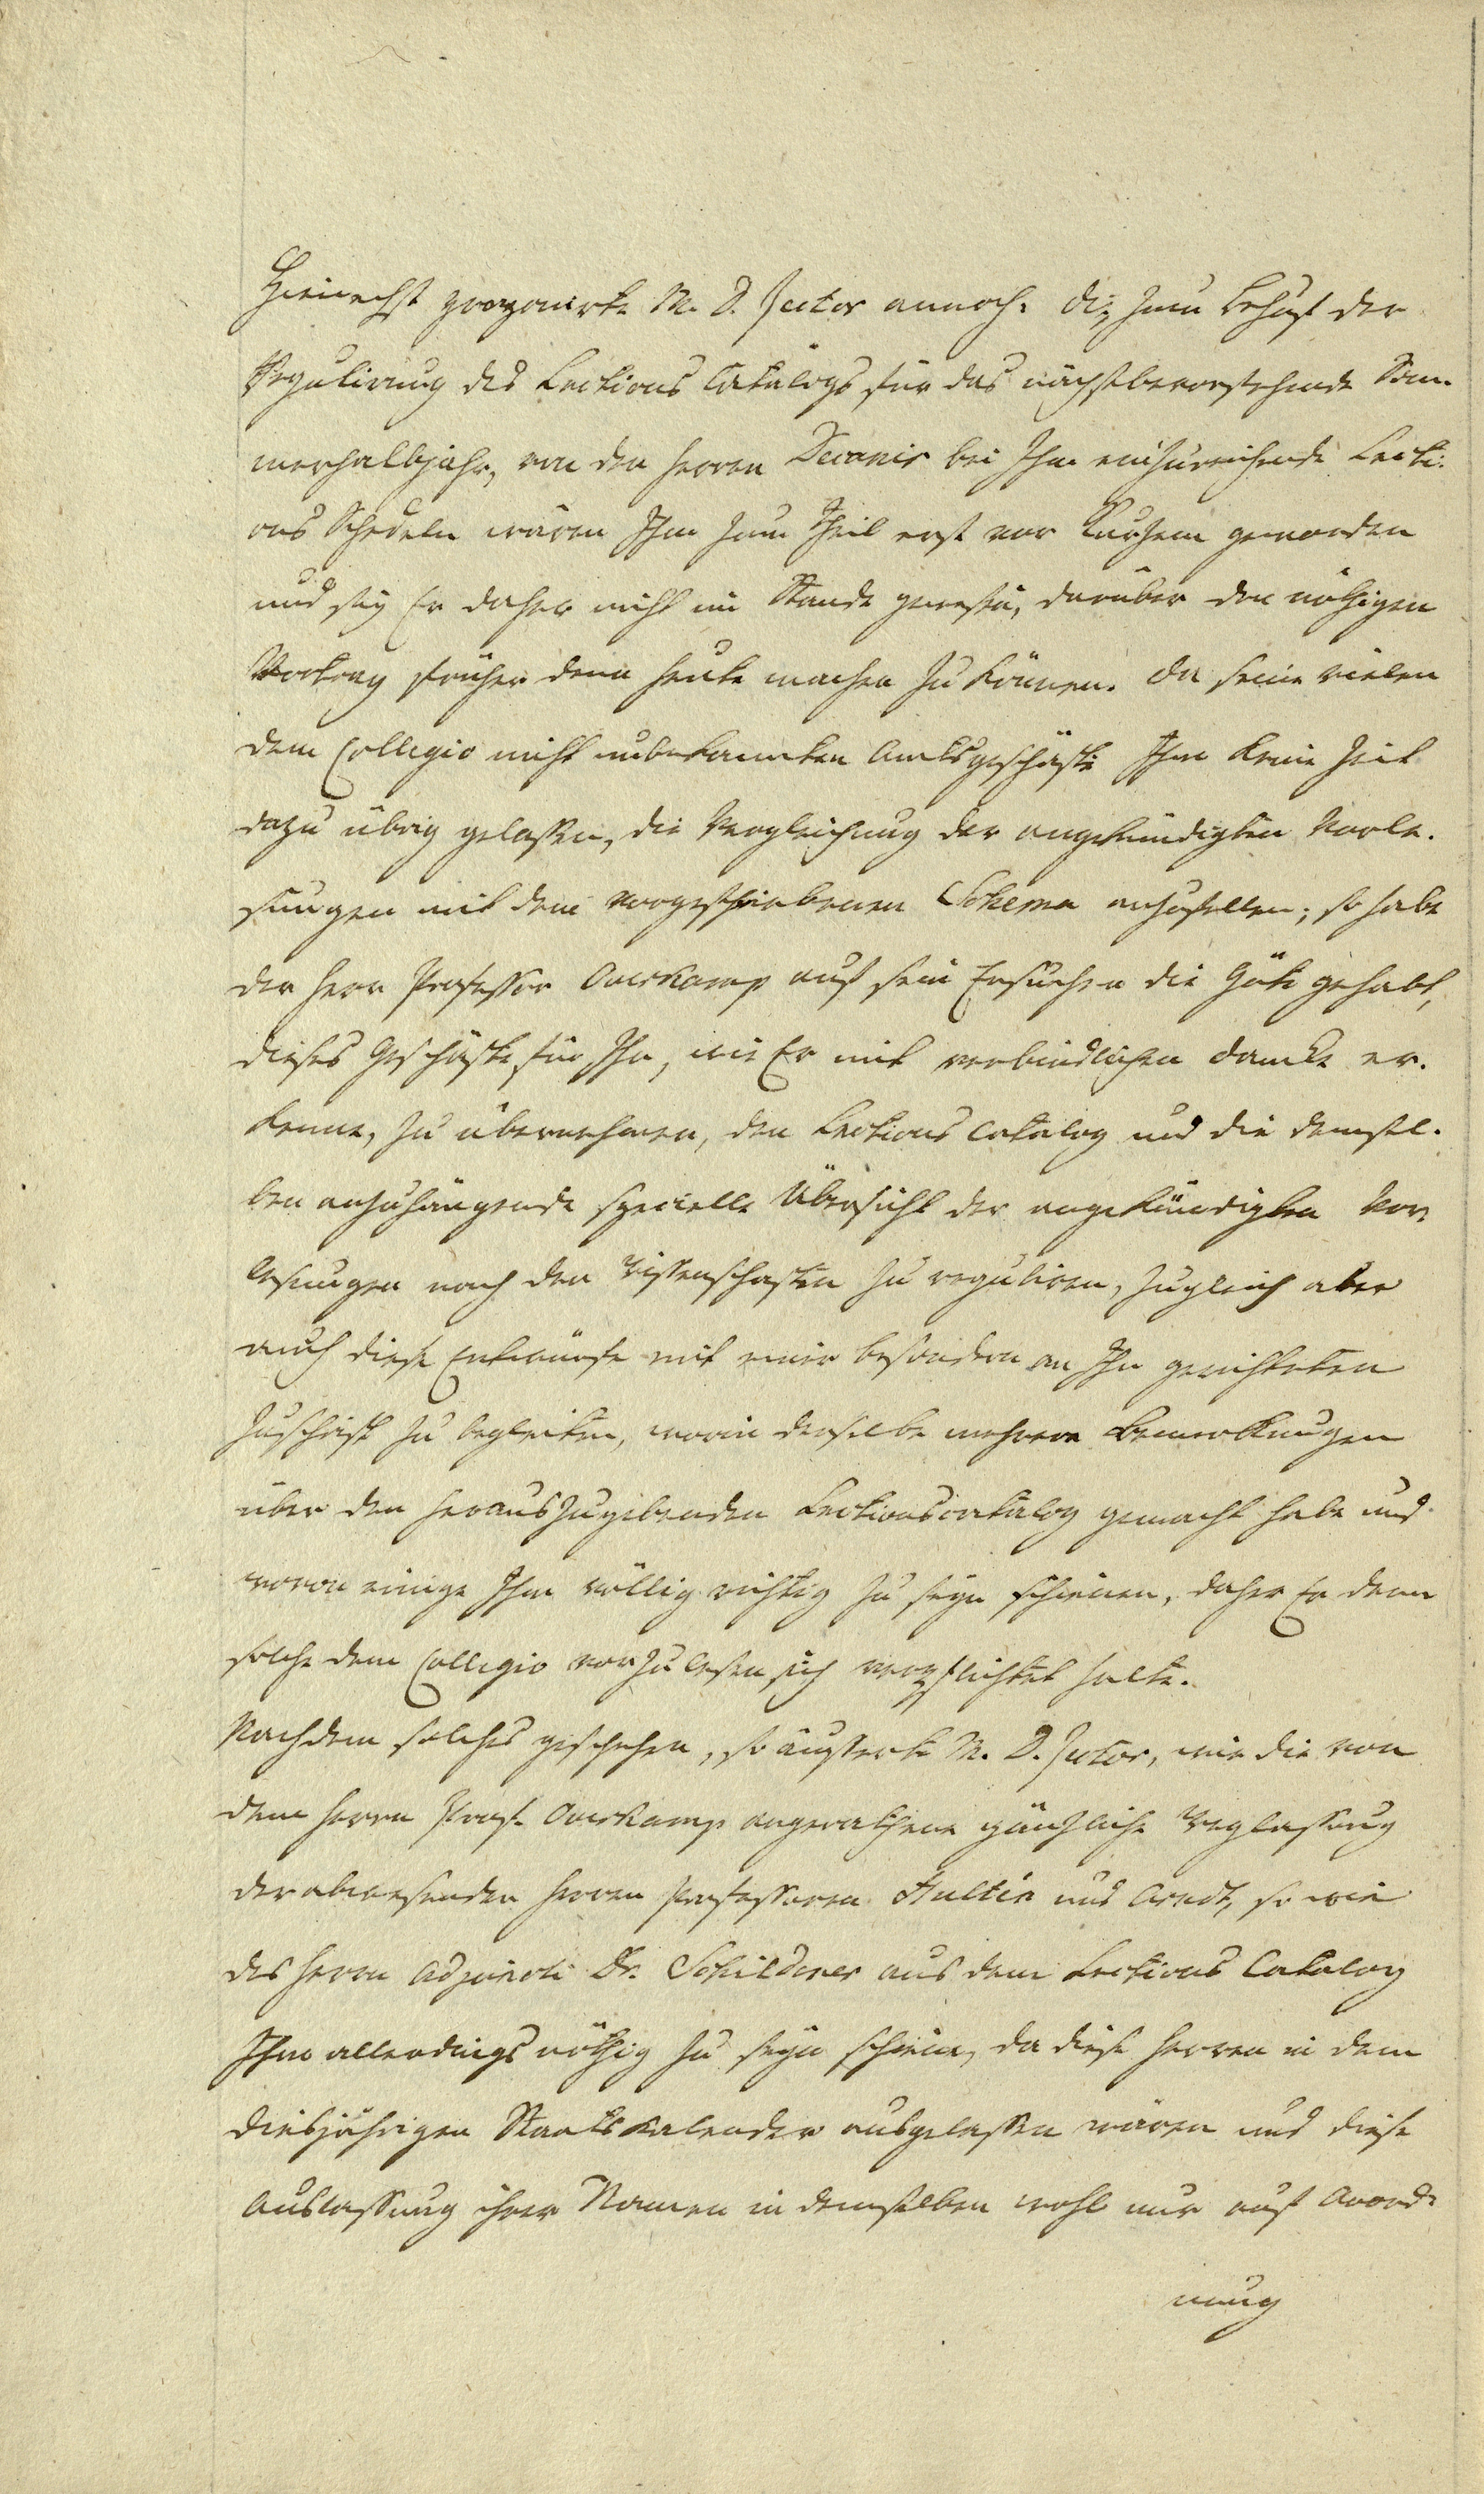Hienechst proponirte M. D. Rector annoch: die zum Behuf der
Regulirung des Lections Catalogs für das nächstbevorstehende Som¬
merhalbjahr, von den Herren Decanis bei Ihm einzureichende Lecti¬
ons Schedeln wären Ihm zum Theil erst vor Kurzem geworden
und seÿ Er daher nicht im Stande gewesen, darüber den nöthigen
Vortrag früher denn heute machen zu können. Da seine vielen
dem Collegio nicht unbekannten Amtsgeschäfte Ihm keine Zeit
dazu übrig gelassen, die Vergleichung der angekündigten Vorle¬
sungen mit dem vorgeschriebenen Schema anzustellen; so habe
der Herr Professor Overkamp auf sein Ersuchen die Güte gehabt,
dieses Geschäfte für Ihn, wie Er mit verbindlichen dancke er¬
kenne, zu übernehmen, den Lections Catalog und die demsel¬
ben anhängende specielle Übersicht der angekündigten Vor¬
lesungen nach den Wissenschaften zu reguliren, zugleich aber
auch diese Entwürfe mit einer besondern an Ihn gerichteten
Zuschrift zu begleiten, worin derselbe mehrere Bemerkungen
über den herauszugebenden Lectionscatalog gemacht habe und
wovon einige Ihm völlig richtig zu seÿn scheinen, daher Er denn
solche dem Collegio vorzulesen sich verpflichtet halte.
Nachdem solches geschehen, so äusserte M. D. Rector, wie die von
dem Herrn Prof. Overkamp angerathene gänzliche Weglassung
der abwesenden Herren Professoren Hultén und Arndt, so wie
des Herrn Adjuncti Dr. Schildener aus dem Lections Catalog
Ihm allerdings nöthig zu seÿn schiene, da diese Herren in dem
diesjährigen Staatskalender ausgelassen wären und diese
Auslassung ihrer Namen in demselben wohl nur auf Anord¬
nung